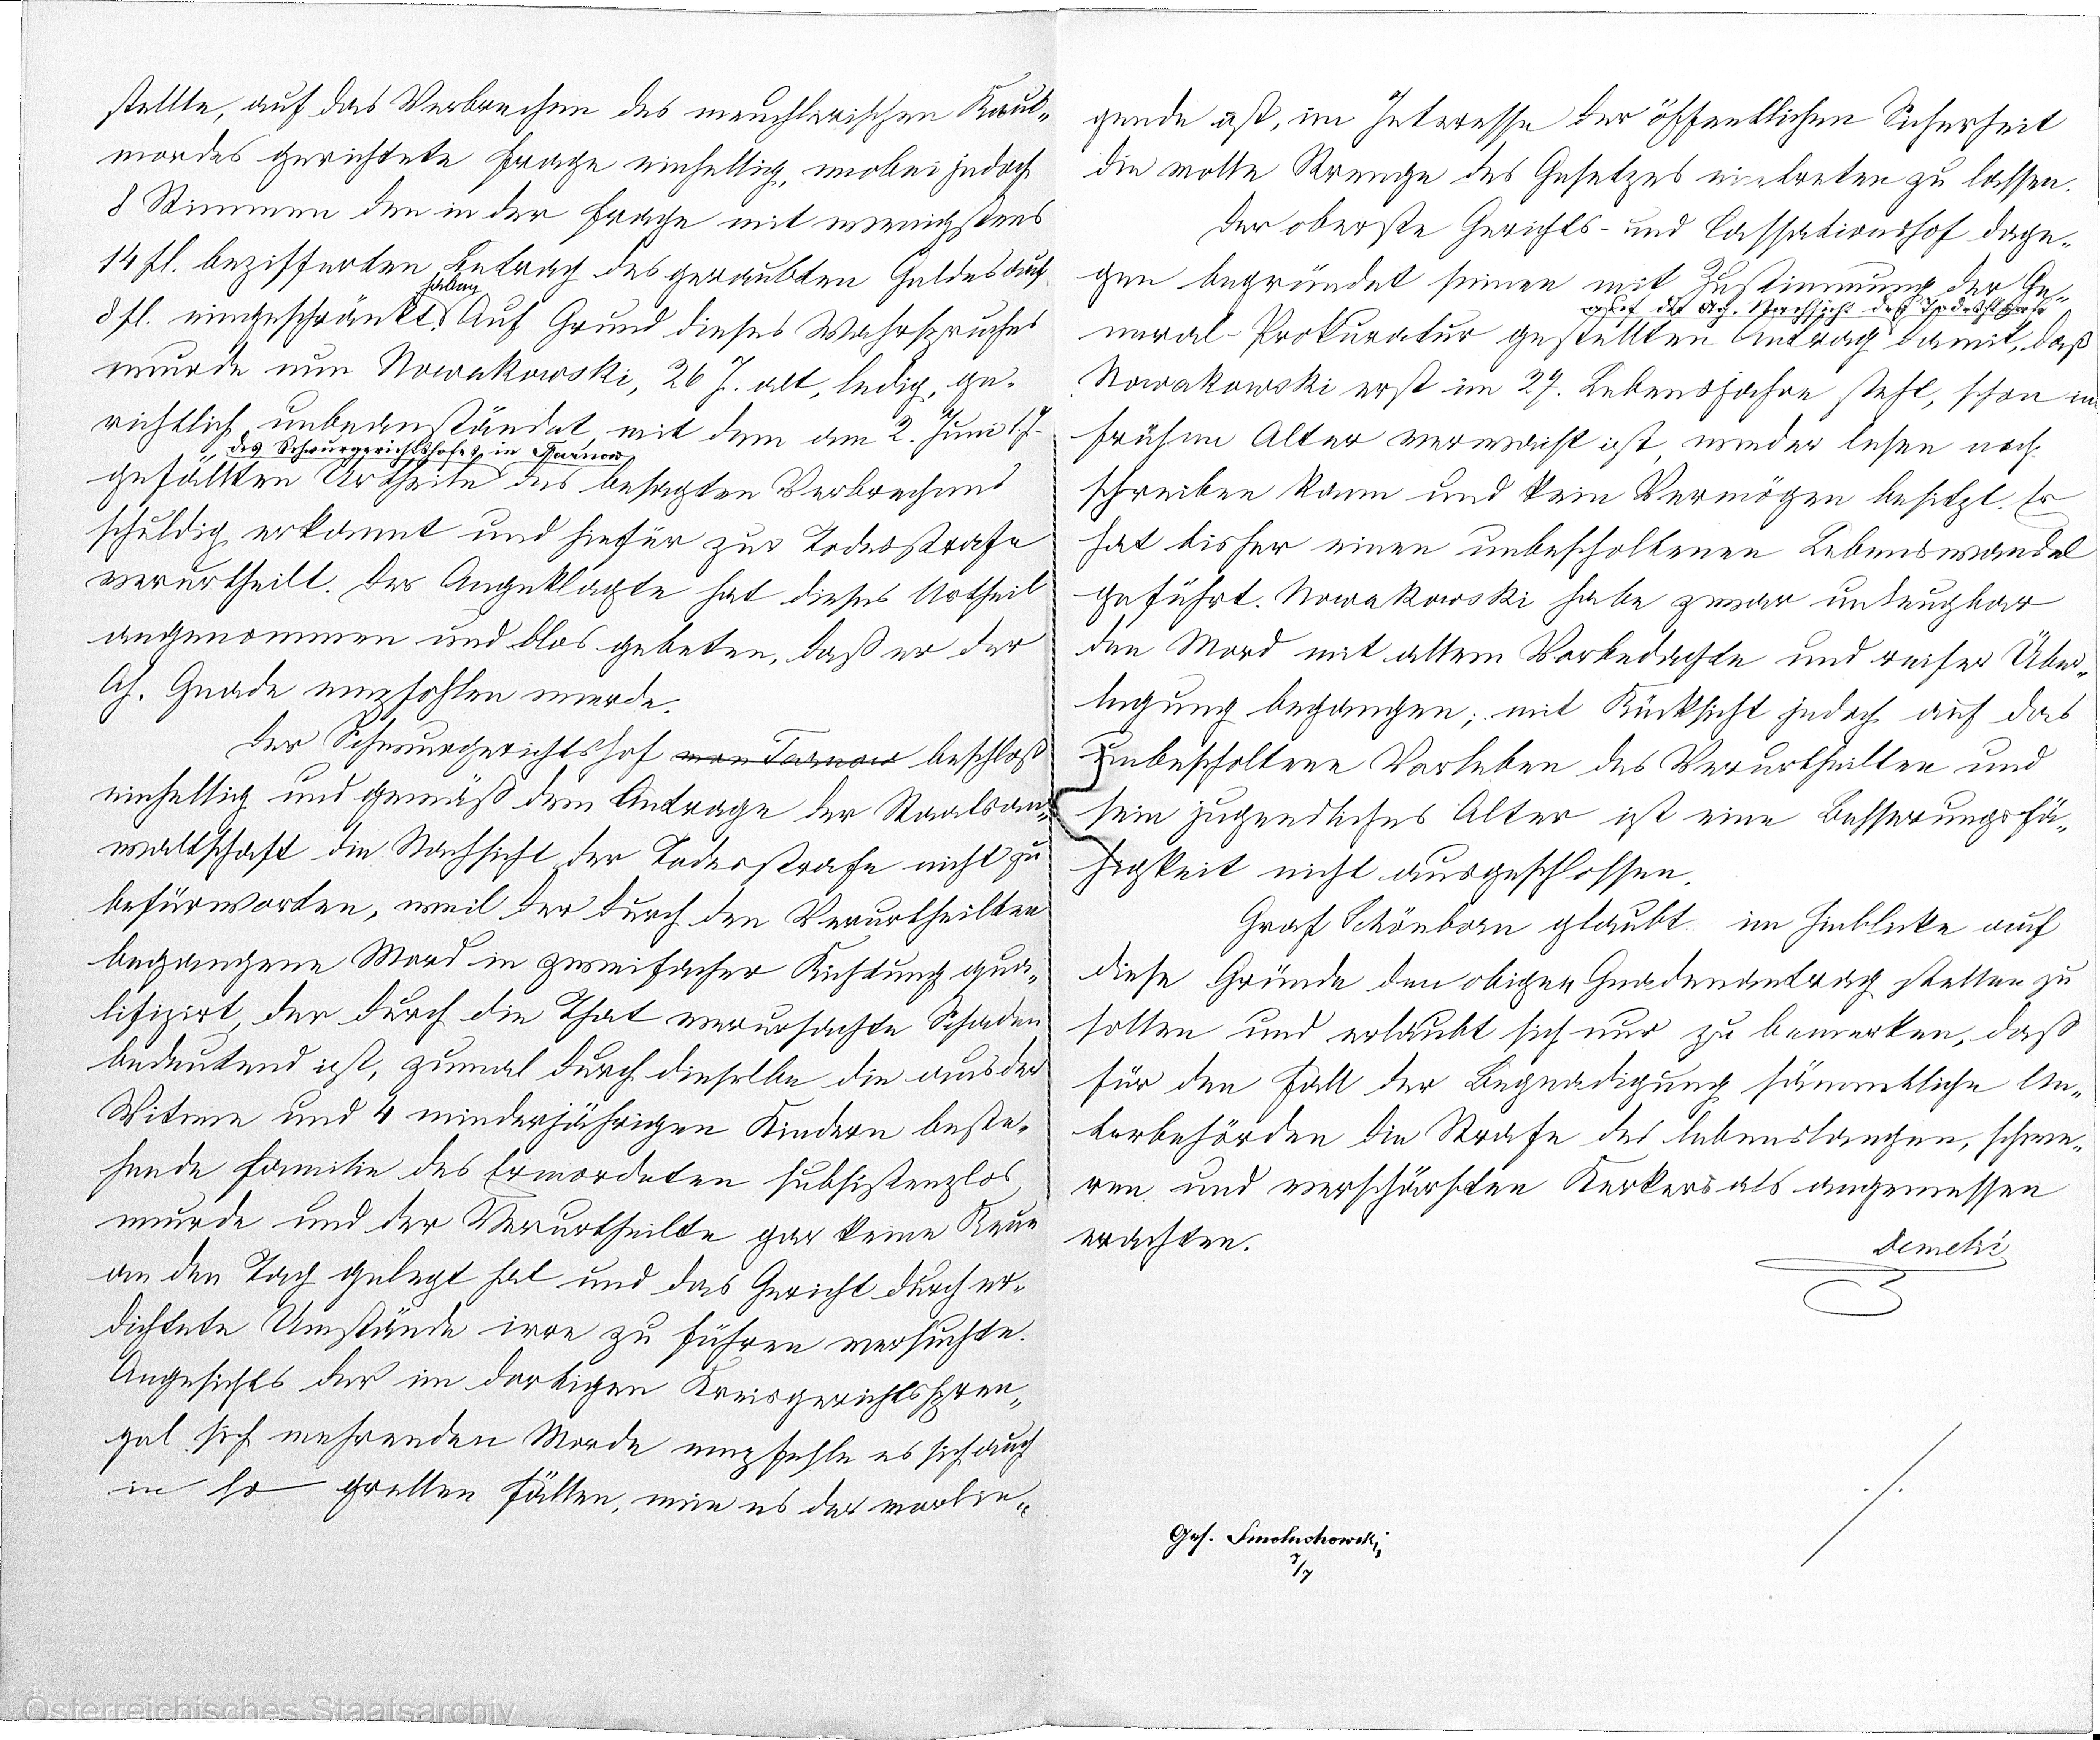stelle, auf das Verbrechen des meuchlerischen Raub¬
mordes gerichtete Frage einhellig, wobei jedoch
8 Stimmen den in der Frage mit wenigstens
14 fl. bezifferten Betrag des geraubten Geldes auf
haben
8 fl. eingeschränkt. Auf Grund dieses Wahrspruches
wurde nun Nowakowski, 26 J. alt, ledig, ge¬
richtlich unbeanständet, mit dem am 2. Juni l. Jß
des Schwurgerichtshofes in Tarow
gefällten Urtheilte des besagten Verbrechend
schuldig erkannt und hiefür zur Todesstrafe
verurtheilt. Der Angeklagte hat dieses Urtheil
angenommen und blos gebeten, daß er der
Ah. Gnade empfohlen werde.
Der Schwurgerichtshof beschloß
einhellig und gemäß dem Antrage der Staatsan¬
waltschaft die Nachsicht, der Todesstrafe nicht zu
befürworten, weil der durch den Verurtheilten
begangene Mord zweifacher Richtung qua¬
lifizirt, der durch die That verursachte Schaden
bedeutend ist, zumal durch dieselbe die aus der
Witwe und 4 minderjährigen Kindern beste¬
hende familie des Ermordeten subfißenzlos
wurde und der Verurtheilte gar keine Reue
an den Tag gelegt hat und das Gericht durch er¬
dichtete Umstände irre zu führen versuchte.
Angesichts der im dortigen Kreisgerichtsspren¬
gel sich mehrenden Morde empfehle es sich auch
in so grellen fällen, wie es der mxxlie¬
gende ist, im Interesse der öffentlichen Sicherheit
die volle Strenge des Gesetzes eintreten zu lassen.
Der oberste Gerichts- und Cassationshof dage¬
gen begründet seinen mit Zustimmung der Ge¬
auf die Ag. Nachsicht des Todesstrafe
neral-Prokuratur gestellten Antrag damit, daß
Nowakowski erst im 27. Lebensjahre stehl, schon xx
frühen Alter verwacht ist, weder lesen noch
schreiben kann und kein Vermögen besitzt. Er
hat bisher einen unbescholtenen Lebenswandel
geführt. Nowakowski habe zwar unleugbar
den Mord mit allem Vorbedachter und reiser Über¬
legung begangen; mit Rücksicht jedoch auf das
unbescholtene Vorleben des Verurtheilten und
sein jugendliches Alter ist eine Besserungsfä¬
higkeit nicht ausgeschlossen.
Graf Schönborn glaubt im Gieblicke auf
diese Gründe den obigen Gnadenantrag stellen zu
sollen und erlaubt sich nur zu bemerken, daß
für den Fall der Begnadigung sämmtliche Un¬
terbehörden die Strafe des lebenslangen, schwe¬
ren und verschärften Kerkers als angemessen
erachten.
xx
Ges. Smolnchowski
7/7